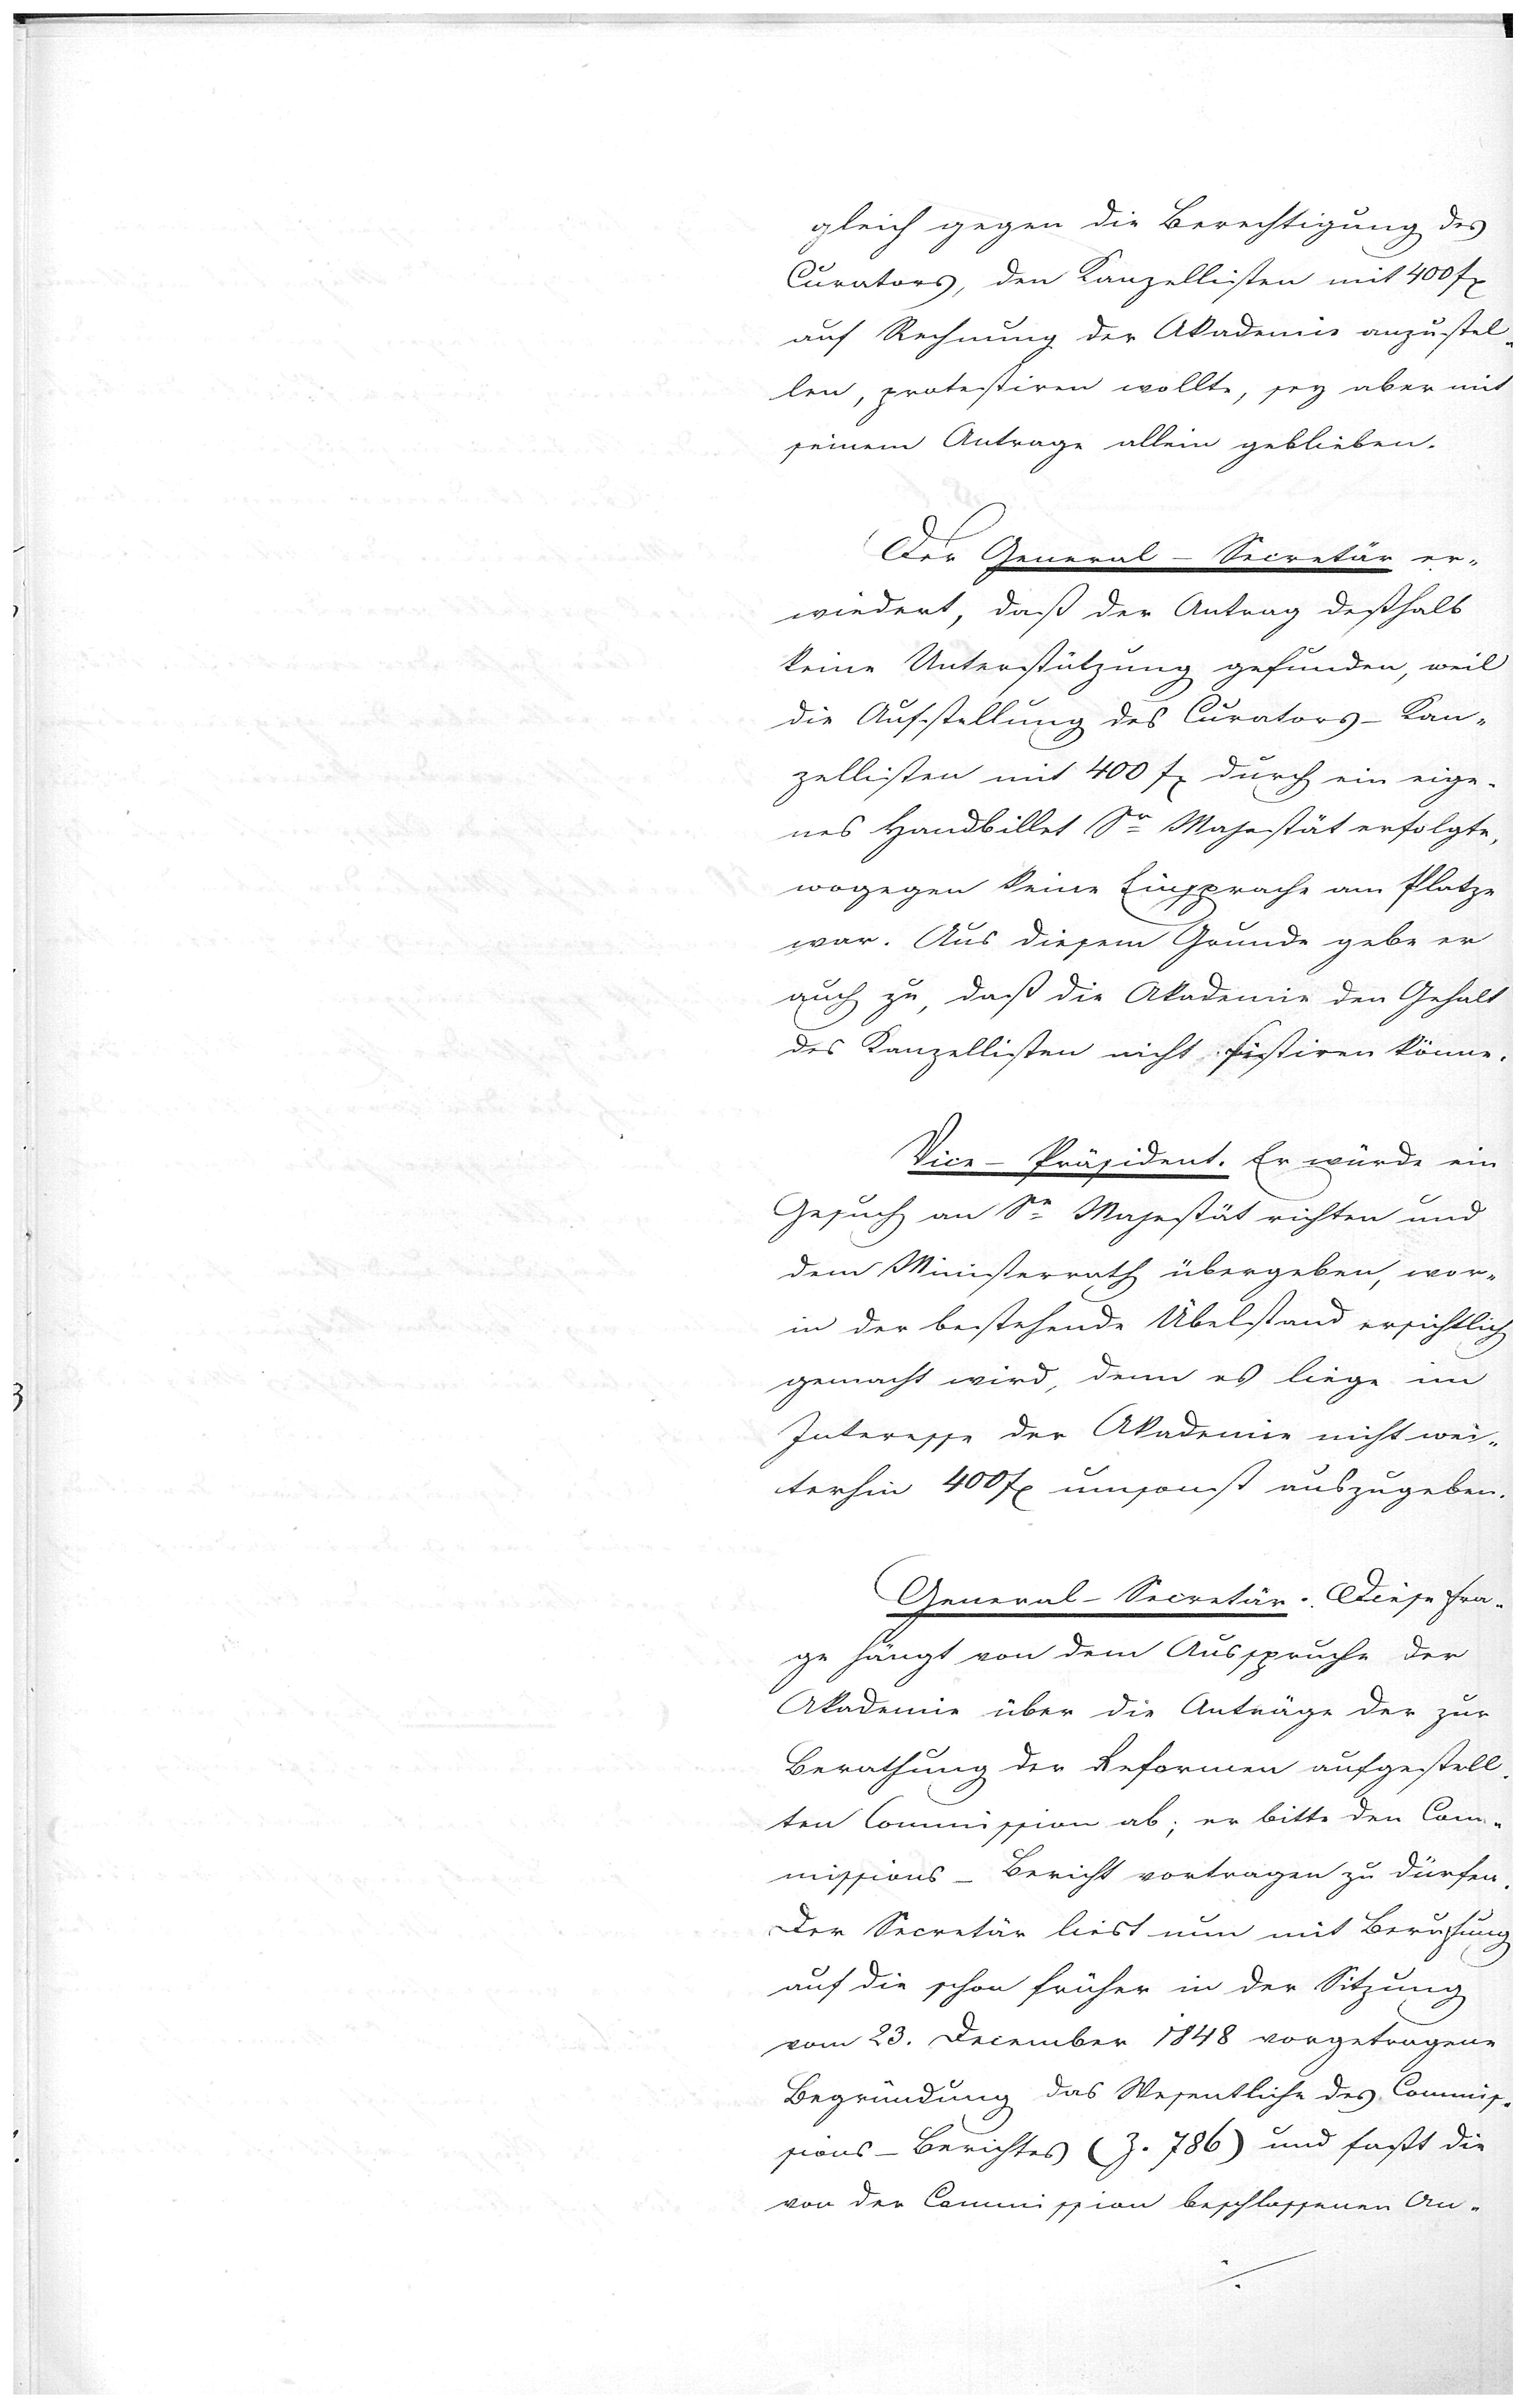gleich gegen die Berechtigung des
Curators, den Kanzellisten mit 400 fr
auf Rechnung der Akademie anzustel-
len, protestiren wollte, sey aber mit
seinem Antrage allein geblieben.
Der General-Secretär er-
wiedert, daß der Antrag deßhalb
keine Unterstützung gefunden, weil
die Aufstellung des Curators-Kan-
zellisten mit 400 fl durch ein eige-
nes Handbillet Sr Majestät erfolgte,
wogegen keine Einsprache am Platze
war. Aus diesem Grunde gebe er
auch zu, daß die Akademie den Gehalt
des Kanzellisten nicht sistiren könne.
Vice-Präsident. Er würde ein
Gesuch an Sr Majestät richten und
dem Ministerrath übergeben, wor-
in der bestehenden Übelstand ersichtlich
gemacht wird, denn es liege im
Interesse der Akademie nicht wei-
terhin 400 fl umsonst aufzugeben.
General- Secretär. Diese Fra-
ge hängt von dem Ausspruche der
Akademie über die Anträge der zur
Berathung der Reformen aufgestell-
ten Commission ab; er bitte den Com-
missions-Bericht vortragen zu dürfen.
Der Secretär liest nun mit Berufung
auf die schon früher in der Sitzung
von 23. December 1848 vorgetragene
Begründung das Wesentliche des Conmmis-
sions-Berichtes (Z. 786) und faßt die
von der Commission beschlossenen An-